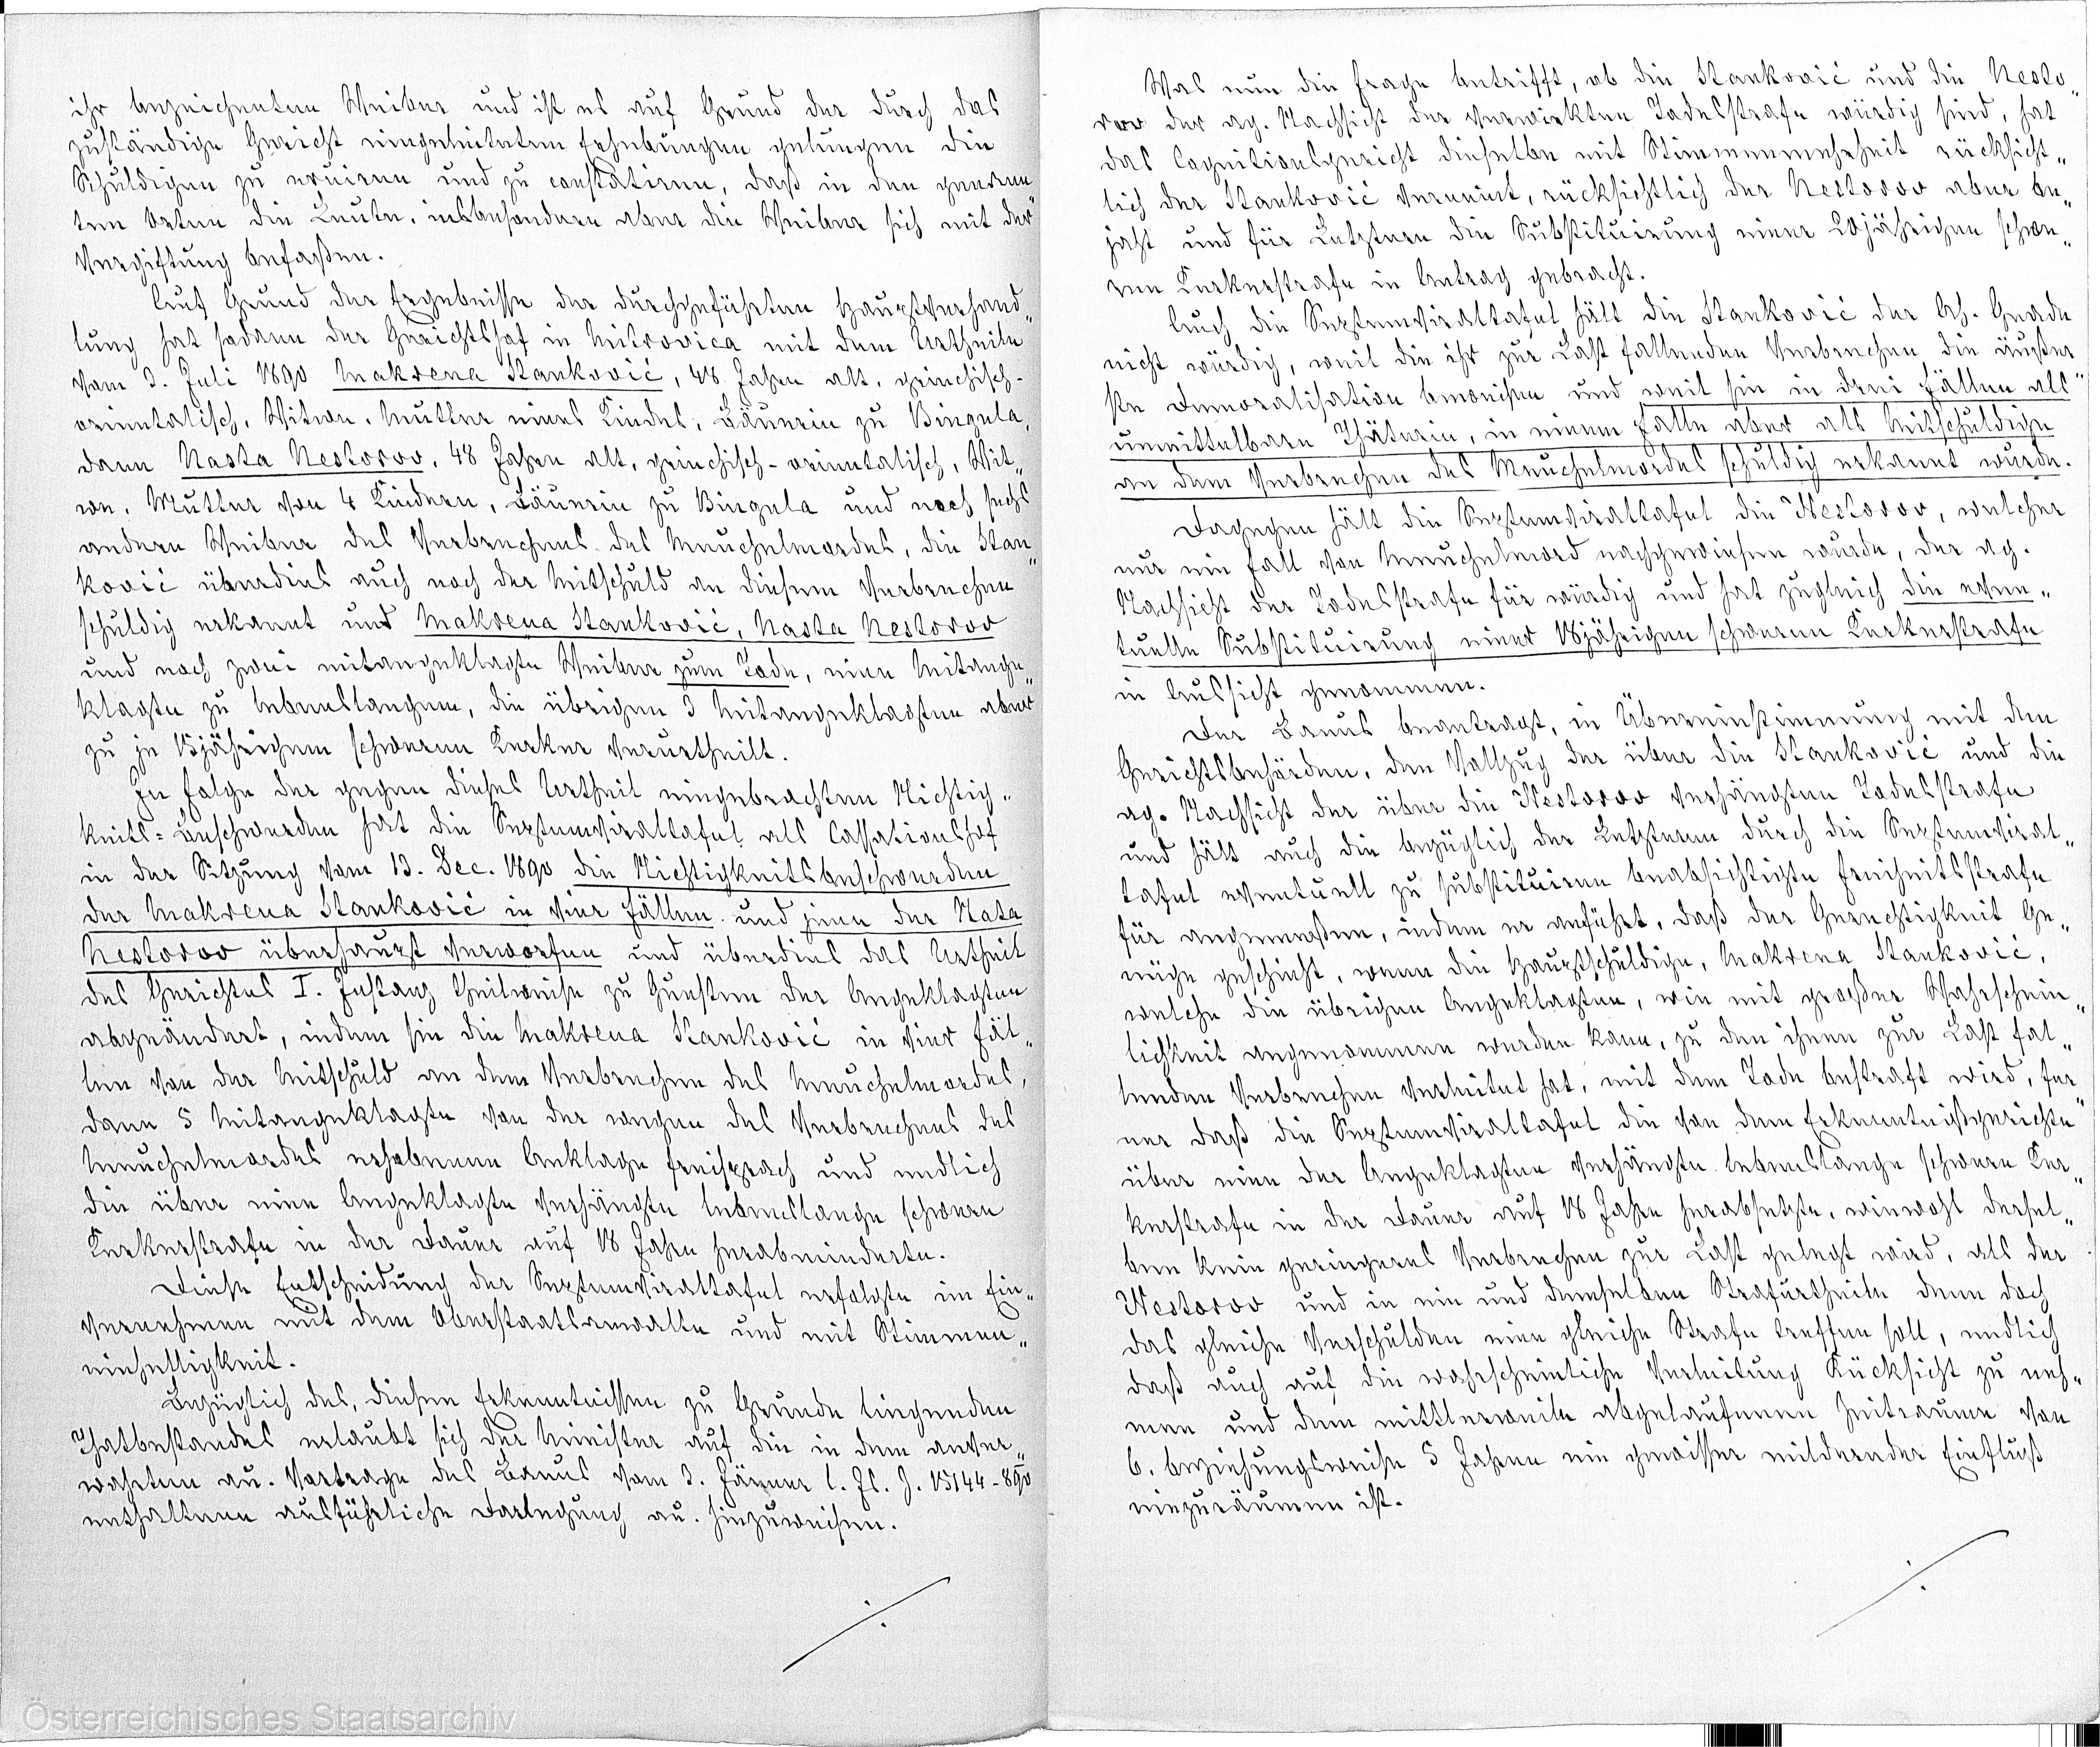ihr bezeichneten Weiber und ist es auf Grund der durch das
zuständige Gericht eingeleiteten Erhebungen gelungen die
Schuldigen zu eruiren und zu constatiren, daß in den genann¬
ten Orten die Leuten, insbesondere aber die Weiber sich mit der
Vergiftung befaßen
Auf Grund der Ergebnisse der durchgeführten Hauptverhand¬
lung hat sodann der Gerichtshof in Mitrovica mit dem Urtheile
vom 3. Juli 1890 Makrena Skanković, 48 Jahre alt, griechisch-
orientalisch, Witwe, Mutter eines Kindes, Bäuerin zu Bingula,
dann Nasta Nestorov, 48 Jahre alt, griechisch-orientalisch, Wit¬
we, Mutter von 4 Kindern, Bäuerin zu Bingula und noch sechs
andere Weiber des Verbrechens des Meuchelmordes, die Skan¬
ković überdies auch noch der Mitschuld an diesem Verbrechen
schuldig erkannt und Makrena Skanković, Nasta Nestorov
und noch zwei mitangeklagte Weiber zum Tode, eine Mitange¬
klagte zu lebenslangem, die übrigen 3 Mitangeklagten aber
zu je 15jährigem schweren Kerker verurtheilt.
In Folge der gegen dieses Urtheil eingebrachten Nichtig¬
keits-Beschwerden hat die Septemviraltafel als Cassationshof
in der Sitzung vom 13. Dec 1890 die Nichtigkeitsbeschwerden
der Makrena Skanković in vier Fällen und jene der Nata
Nestorov überhaupt verworfen und überdies das Urtheil
des Gerichtes I. Instanz theilweise zu Gunsten des Angeklagten
abgeändert, indem sie die Makrena Skanković in vier Fäl¬
len von der Mitschuld an dem Verbrechen des Meuchelmordes,
dann 5 Mitangeklagte von der wegen des Verbrechens des
Meuchelmordes erhabenen Anklage freisprach und endlich
die über eine Angeklagte verhängte lebenslange schwere
Kerkerstrafe in der Dauer auf 18 Jahre herabminderte.
Diese Entscheidung der Septemviraltafel erfolgte im Ein¬
vernehmen mit dem Oberstaatsanwalte und mit Stimmen¬
einhelligkeit.
Bezüglich des, diesen Erkenntnissen zu Grunde liegenden
Thatbestandes erlaubt sich der Minister auf die in dem anver¬
wahrten au. Vortrage des Banus vom 3. Jänner l. Js. Z. 15144-1890
enthaltene ausführliche Darlegung au hinzuweisen.
Was nun die Frage betrifft, ob die Skanković und die Nesto¬
rov der ag. Nachsicht der verwirkten Todesstrafe würdig sind, hat
das Cognitionsgericht dieselbe mit Stimmenmehrheit rücksicht¬
lich der Skanković verneint, rücksichtlich der Nestorov aber be¬
jaht und für Letztere die Substituierung einer 20jährigen schwe¬
ren Kerkerstrafe in Antrag gebracht.
Auch die Septemviraltafel hält die Skanković der Ah. Gnade
nicht würdig, weil die ihr zur Last fallenden Verbrechen die äußers¬
ten Demoralisation beweisen und weil sie in drei Fällen als
unmittelbare Thäterin, in einem Falle aber als Mitschuldige
an dem Verbrechen des Meuchelmordes schuldig erkannt wurde.
Dagegen hält die Septemvirattafel die Nestorov, welcher
nur ein Fall von Meuchelmord nachgewiesen wurde, der ag.
Nachsicht der Todesstrafe für würdig und hat zubleich die even¬
tuelle Substituirung einer 18jährigen schweren Kerkerstrafe
in Aussicht genommen.
Der Banus beantragt, in Übereinstimmung mit den
Gerichtsbehörden, den Vollzug der über die Skanković und die
ag. Nachsicht der über die Nestorov verhängten Todesstrafe
und hält auch die bezüglich der Letzteren durch die Septemviral¬
tafel eventuell zu substituiren beabsichtigte Freiheitsstrafe
für angemeßen, indem er anführt, daß der Gerechtigkeit Ge¬
nüge geschieht, wenn die Hauptschuldige, Makrena Skanković,
welche die übrigen Angeklagten, wie mit großer Wahrschein¬
lichkeit angenommen werden kann, zu den ihnen zur Last fal¬
lenden Verbrechen verhütet hat, mit dem Tode bestraft wird, fer¬
ner daß die Septemviraltafel die von dem Erkenntnißgerichte
über eine der Angeklagten verhängten lebenslange schwere Ker¬
kerstrafe in der Dauer auf 18 Jahre herabsetzte, wiewohl dersel¬
ben kein geringeres Verbrechen zur Last gelegt wird, als der
Nestorov und in ein und demselben Strafürtheile denn doch
das gleiche Verschulden eine gleiche Strafe treffen soll, endlich
daß auch auf die wahrscheinliche Verleitung Rücksicht zu neh¬
men und dem mittlerweile abgelaufenen Zeitraume von
6. beziehungsweise 5 Jahren ein gewisser mildernder Einfluß
einzuräumen ist.